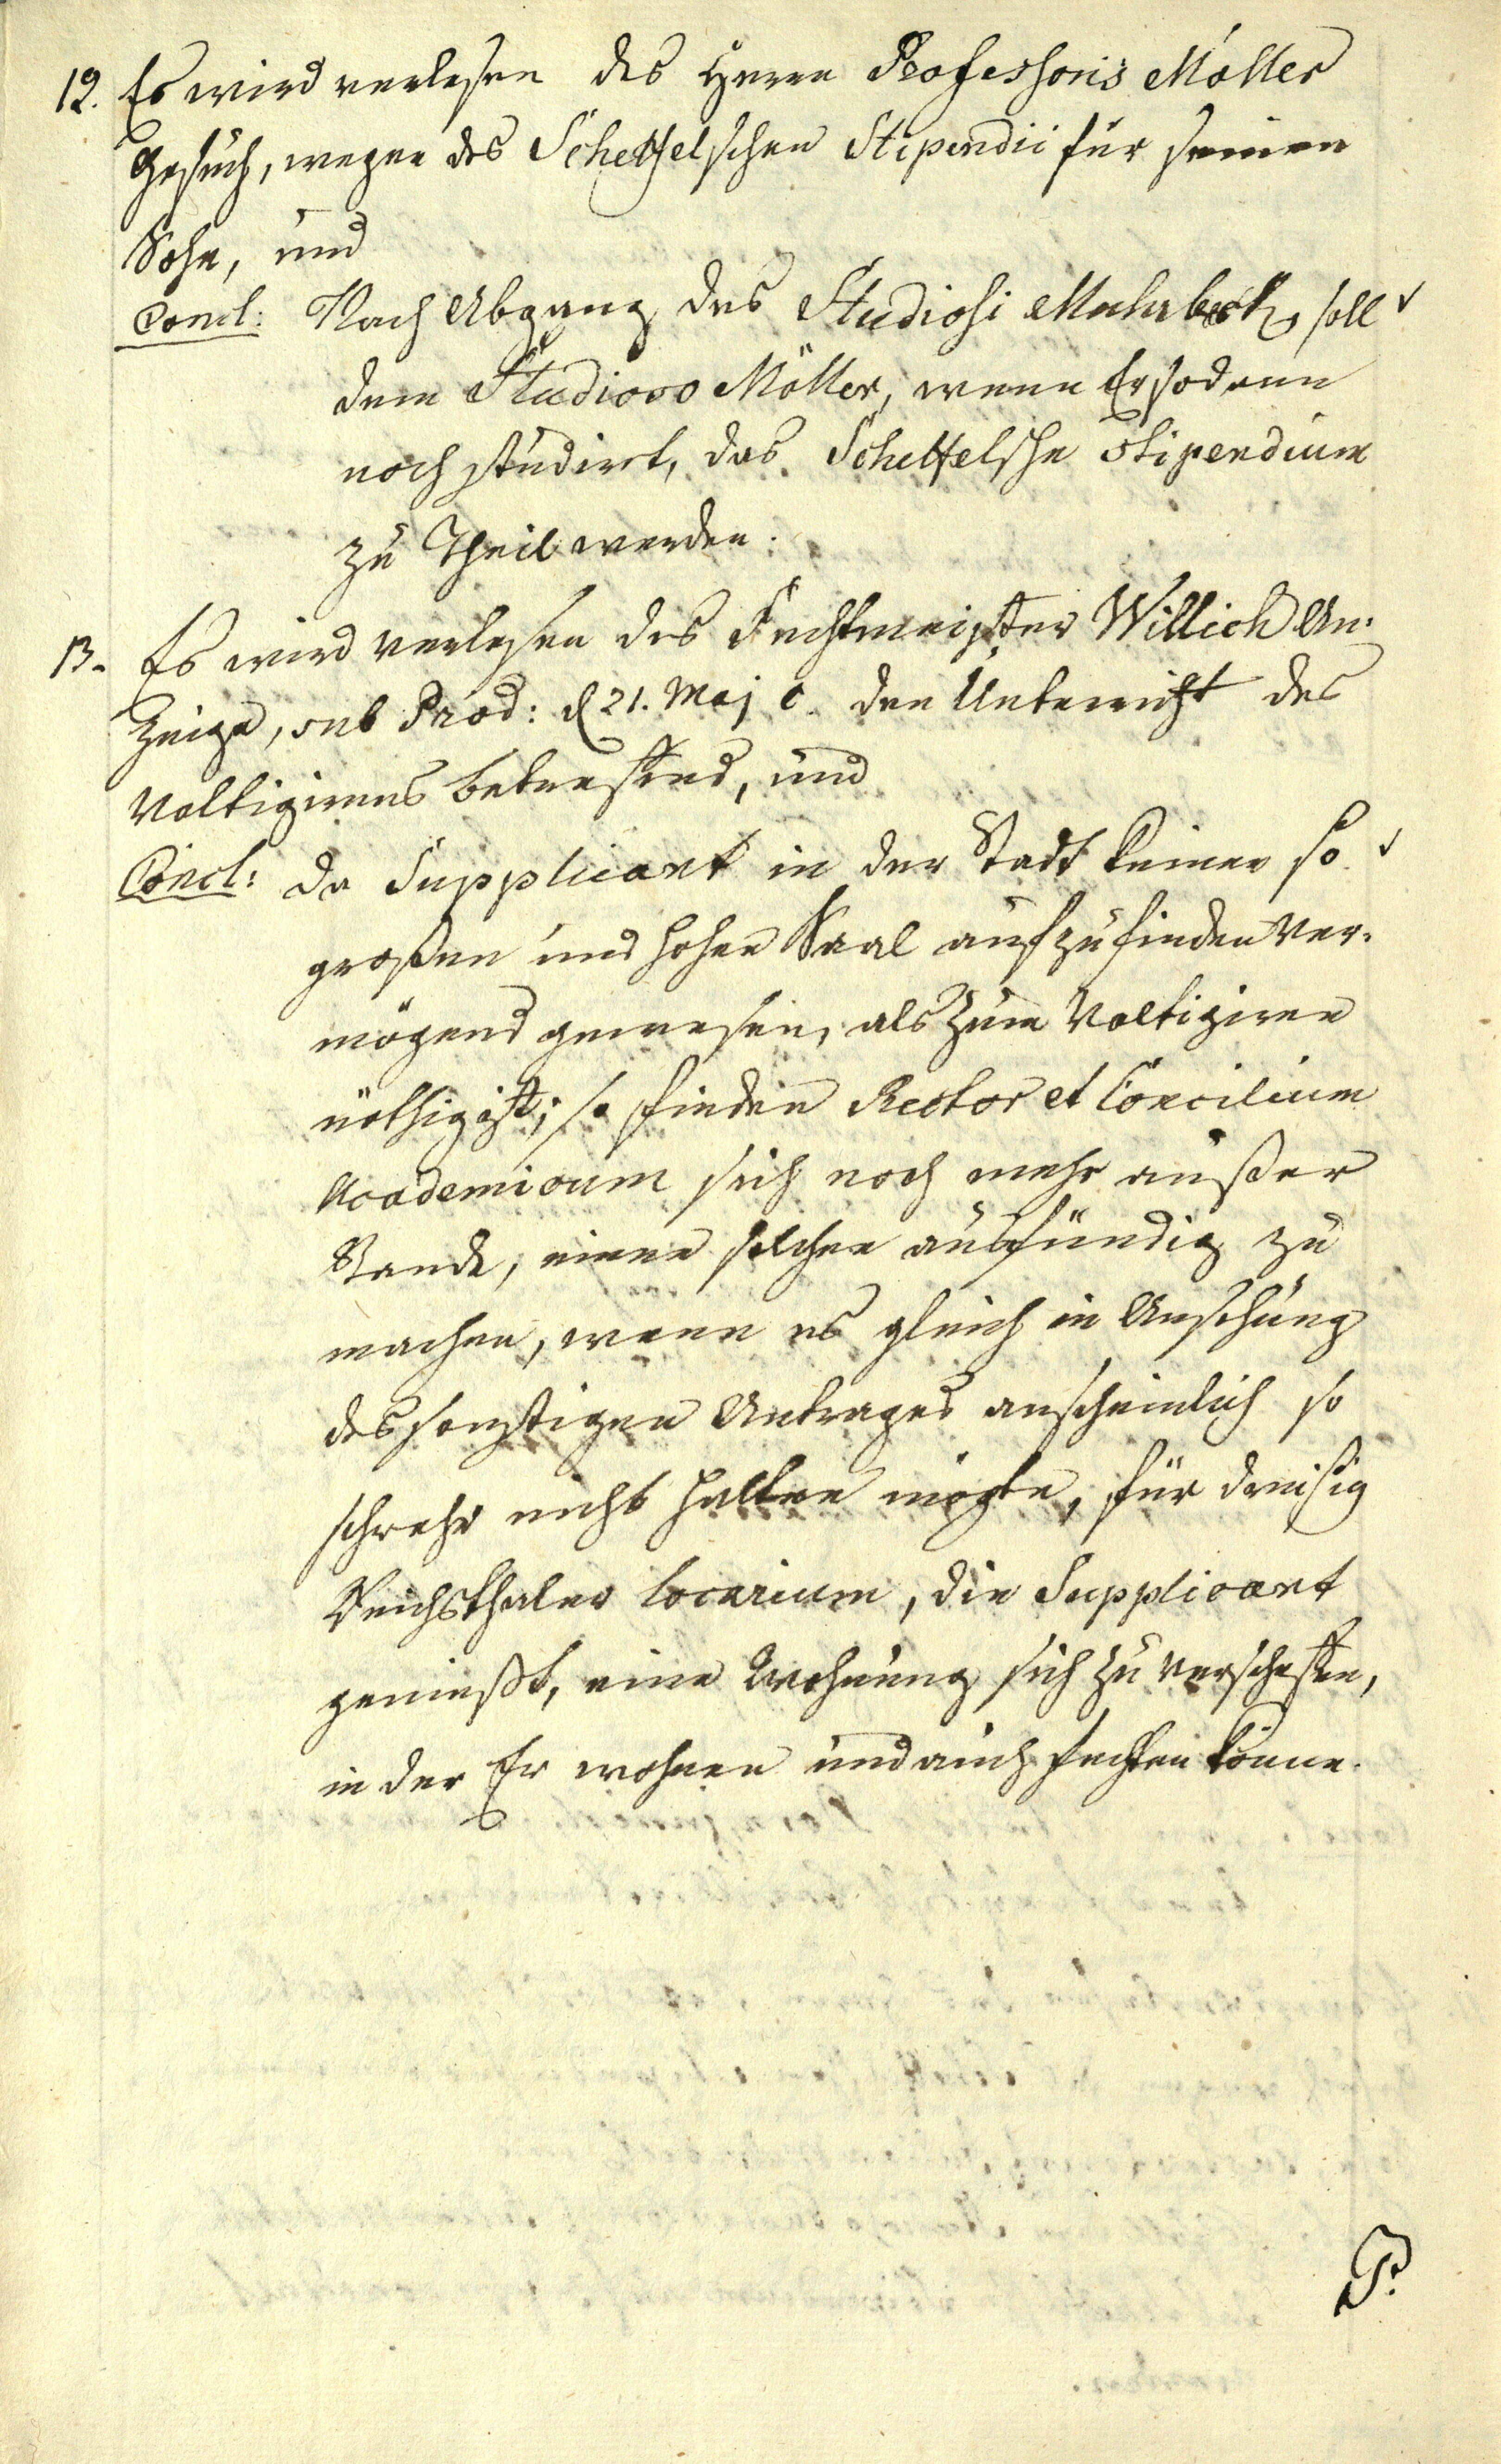12. Es wird verlesen des Herrn Professoris Möller
Gesuch, wegen des Scheffelschen Stipendii für seinen
Sohn, und
Concl. Nach Abgang des Studiosi Muhrbeck soll¬
dem Studioso Möller, wenn Er sodann
noch studiret, das Scheffelsche Stipendium
zu Theil werden.
13. Es wird verlesen des Fechtmeister Willich An¬
zeige sub Prod. d 21. Maj c. den Unterricht des
Voltigirens betreffend, und
Concl. da Supplicant in der Stadt keinen so
großen und hohen Saal aufzufinden ver¬
mögend gewesen, als zum Voltigiren
nöthig ist, so finden Rector et Concilium
Academicum sich noch mehr außer
Stande, einen solchen ausfündig zu
machen, wenn es gleich in Ansehung
des sonstigen Antrages anscheinlich so
schwehr nicht halten mögte, für dreißig
Reichsthaler locarium, die Supplicant
genießt, eine Wohnung sich zu verschaffen,
in der Er wohnen und auch fechten könne.
P.